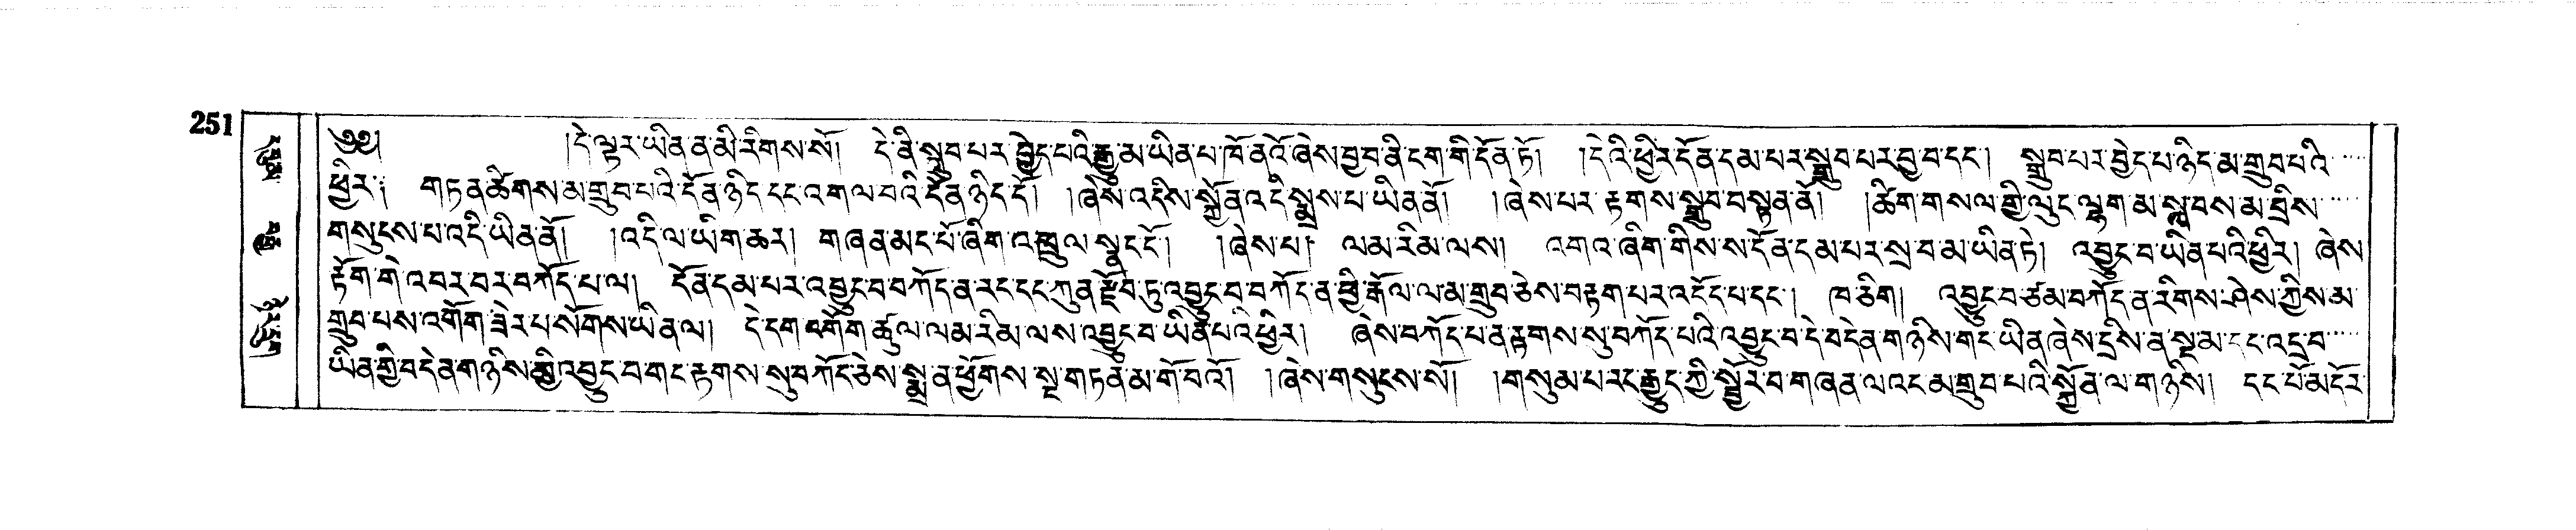༄༅། །དེ་ལྟར་ཡིན་ན་མི་རིགས་སོ། དེ་ནི་སྒྲུབ་པར་བྱེད་པའི་རྒྱུ་མ་ཡིན་པ་ཁོ་ནའོ་ཞེས་བྱ་བ་ནི་ངག་གི་དོན་ཏོ། །དེའི་ཕྱིར་དོན་དམ་པར་སྒྲུབ་པར་བྱ་བ་དང་། སྒྲུབ་པར་བྱེད་པ་ཉིད་མ་གྲུབ་པའི་
ཕྱིར། གཏན་ཚིགས་མ་གྲུབ་པའི་དོན་ཉིད་དང་འགལ་བའི་དོན་ཉིད་དོ། །ཞེས་འདིས་སྐྱོན་འདི་སྨྲས་པ་ཡིན་ནོ། །ཞེས་པར་རྟགས་སྒྲུབ་བསྟན་ནོ། །ཚིག་གསལ་གྱི་ལུང་ལྷག་མ་སླ་བས་མ་བྲིས་
གསུངས་པ་འདི་ཡིན་ནོ། །འདི་ལ་ཡིག་ཆར། གཞན་མང་པོ་ཞིག་འཁྲུལ་སྣང་ངོ། །ཞེས་པ། ལམ་རིམ་ལས། འགའ་ཞིག་གིས་ས་དོན་དམ་པར་སྲ་བ་མ་ཡིན་ཏེ། འབྱུང་བ་ཡིན་པའི་ཕྱིར། ཞེས་
རྟོག་གེ་འབར་བར་བཀོད་པ་ལ། དོན་དམ་པར་འབྱུང་བ་བཀོད་ན་རང་དང་ཀུན་རྫོབ་ཏུ་འབྱུང་བ་བཀོད་ན་ཕྱི་རྒོལ་ལ་མ་གྲུབ་ཅེས་བརྟག་པར་འདོད་པ་དང་། ཁ་ཅིག། འབྱུང་བ་ཙམ་བཀོད་ན་རིགས་ཤེས་ཀྱིས་མ་
གྲུབ་པས་འགོག་ཟེར་བ་སོགས་ཡིན་ལ། དེ་དག་འགོག་ཚུལ་ལམ་རིམ་ལས་འབྱུང་བ་ཡིན་པའི་ཕྱིར། ཞེས་བཀོད་པ་ན་རྟགས་སུ་བཀོད་པའི་འབྱུང་བ་དེ་བདེན་གཉིས་གང་ཡིན་ཞེས་དྲིས་ན་སྔ་མ་དང་འདྲ་བ་
ཡིན་གྱི་བདེན་གཉིས་ཀྱི་འབྱུང་བ་གང་རྟགས་སུ་བཀོད་ཅེས་སྨྲ་ན་ཕྱོགས་སྔ་གཏན་མ་གོ་བའོ། །ཞེས་གསུངས་སོ། །གསུམ་པ་རང་རྒྱུད་ཀྱི་སྦྱོར་བ་གཞན་ལའང་མ་གྲུབ་པའི་སྐྱོན་ལ་གཉིས། དང་པོ་མདོར་